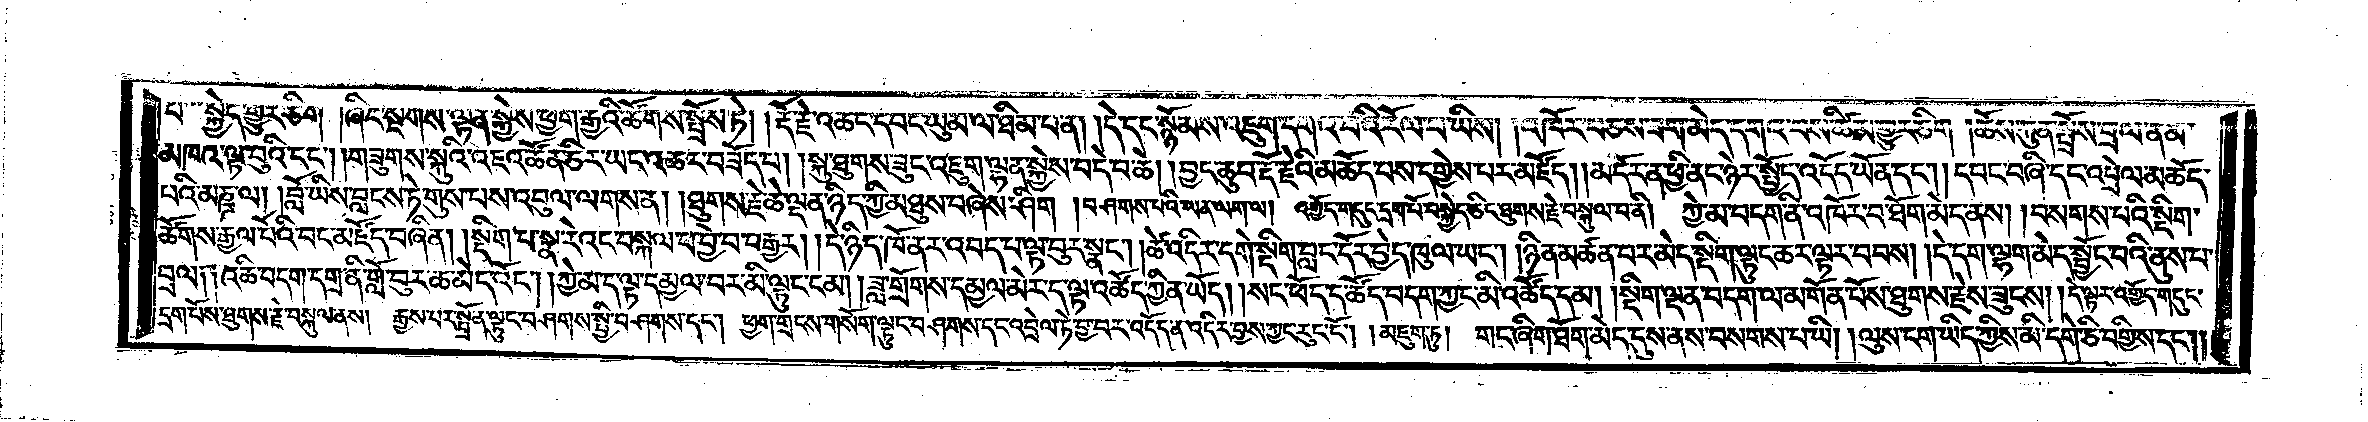པ་སྐྱེད་གྱུར་ཅིག །ཞིང་སྔགས་ལྷན་སྐྱེས་ཕྱག་རྒྱའི་ཚོགས་སྤྲོས་ཏེ། །རྡོ་རྗེ་འཆང་དབང་ཡུམ་ལ་ཐིམ་པ་ན། །དེ་དང་སྙོམས་འཇུག་དགའ་བའི་རོལ་པ་ཡིས། །འཁོར་བཅས་ཟག་མེད་དགའ་བས་ཚིམ་གྱུར་ཅིག །ཆོས་ཀུན་སྤྲོས་བྲལ་ནམ་
མཁའ་ལྟ་བུའི་དང་། །གཟུགས་སྐུའི་འཇའ་ཚོན་ཅིར་ཡང་འཆར་བཟོད་པ། །སྐུ་ཐུགས་ཟུང་འཇུག་ལྷན་སྐྱེས་བདེ་བ་ཆེ། །བྱང་ཆུབ་རྡོ་རྗེའི་མཆོད་པས་དགྱེས་པར་མཛོད། །མདོར་ན་ཕྱི་ནང་ཉེར་སྤྱོད་འདོད་ཡོན་དང་། །དབང་བཞི་དང་འབྲེལ་མཆོད་
པའི་མཎྜ་ལ། །བློ་ཡིས་བླངས་ཏེ་གུས་པས་འབུལ་ལགས་ན། །ཐུགས་རྗེ་ཆེ་ལྡན་ཉིད་ཀྱི་མཐུས་བཞེས་ཤིག་།བཤགས་པའི་ཡན་ལག་ལ། འགྱོད་གདུང་དྲག་པོ་བསྐྱེད་ཅིང་ཐུགས་རྗེ་བསྐུལ་བ་ནི།  ཀྱེ་མ་བདག་ནི་འཁོར་བ་ཐོག་མེད་ནས། །བསགས་པའི་སྡིག་
ཚོགས་རྒྱལ་པོའི་བང་མཛོད་བཞིན། །སྡིག་པ་སྣ་རེའང་བསྐལ་བ་བྱེ་བ་བརྒྱར། །དེ་ཉིད་ཁོ་ནར་འབད་པ་ལྟ་བུར་སྣང་། །ཚེ་འདིར་དགེ་སྡིག་བླང་དོར་བྱེད་ཁུལ་ཡང་། །ཉིན་མཚན་བར་མེད་སྡིག་ལྟུང་ཆར་ལྟར་བབས། །དེ་དག་ལྷག་མེད་སྦྱོང་བའི་ནུས་པ་
བྲལ༑ ༑འཆི་བདག་དགྲ་ནི་གློ་བུར་ཆ་མེད་འོང་། །ཀྱེ་མ་ད་ལྟ་དམྱལ་བར་མི་ལྟུང་ངམ། །ཟླ་གྲོགས་དམྱལ་མེར་ད་ལྟ་འཚོད་ཀྱིན་ཡོད། །སང་ཕོད་ད་ཚོད་བདག་ཀྱང་མི་འཚོད་དམ། །སྡིག་ལྡན་བདག་ལ་མགོན་པོས་ཐུགས་རྗེས་ཟུངས། །དེ་ལྟར་འགྱོད་གདུང་
དྲག་པོས་ཐུགས་རྗེ་བསྐུལ་ནས། རྒྱས་པར་སྤྲོ་ན་ལྟུང་བཤགས་སྤྱི་བཤགས་དང་། ཕྱག་གྲངས་གསོག་ལྟུང་བཤགས་དང་འབྲེལ་ཏེ་བྱ་བར་འདོད་ན་འདིར་བྱས་ཀྱང་རུང་ངོ། །མཇུག་ཏུ། གང་ཞིག་ཐོག་མེད་དུས་ནས་བསགས་པ་ཡི། །ལུས་ངག་ཡིད་ཀྱིས་མི་དགེ་ཅི་བགྱིས་དང་།